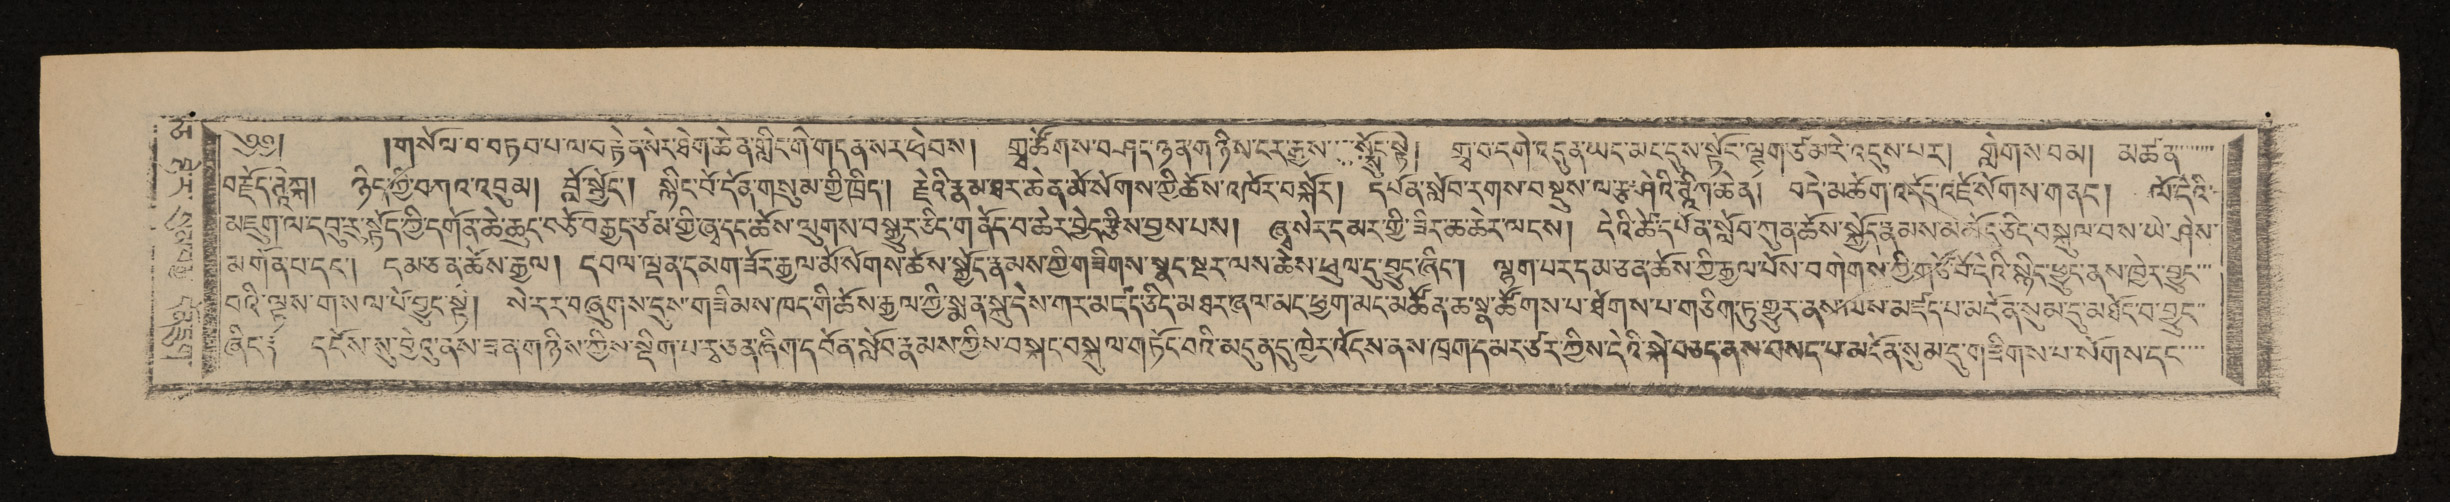༄༅། །གསོལ་བ་བཏབ་པ་ལ་བརྟེན་སེར་ཐེག་ཆེན་གླིང་གི་གདན་སར་ཕེབས། གྲྭ་ཚོགས་བཤད་ཉན་གཉིས་དར་རྒྱས་སུ་སོང་སྟེ། གྲྭ་བ་དགེ་འདུན་ཡང་མང་དུས་སྟོང་ལྷག་ཙམ་རེ་འདུས་པར། གླེགས་བམ། མཚན་
བརྗོད་ཊཱིཀྐ། ཉིད་ཀྱི་བཀའ་འབུམ། བློ་སྦྱོང་། སྙིང་པོ་དོན་གསུམ་གྱི་ཁྲིད། རྗེའི་རྣམ་ཐར་ཆེན་མོ་སོགས་ཀྱི་ཆོས་འཁོར་བསྐོར། དཔོན་སློབ་རགས་བསྡུས་ལ་རྩ་ཤེའི་ཊཱིཀ་ཆེན། བདེ་མཆོག་འདོད་འཇོ་སོགས་གནང་། ལོ་དེའི་
མཇུག་ལ་དབུ་རུ་སྟོད་ཀྱི་དགོན་ཆེ་ཆུང་བཅོ་བརྒྱད་ཙམ་གྱི་ཞྭ་དང་ཆོས་ལུགས་བསྒྱུར་ཅིང་གནོད་པ་ཆེར་བྱེད་རྩིས་བྱས་པས། ཞྭ་སེར་དམར་གྱི་ཟིང་ཆ་ཆེར་ལངས། དེའི་ཚེ་དཔོན་སློབ་ཀུན་ཆོས་སྐྱོང་རྣམས་མཆོད་ཅིང་བསྐུལ་བས་ཡེ་ཤེས་
མགོན་པོ་དང་། དམ་ཅན་ཆོས་རྒྱལ། དཔལ་ལྡན་དམག་ཟོར་རྒྱལ་མོ་སོགས་ཆོས་སྐྱོང་རྣམས་ཀྱི་གཟིགས་སྣང་སྔར་ལས་ཆེས་ཕུལ་དུ་བྱུང་ཞིང་། ལྷག་པར་དམ་ཅན་ཆོས་ཀྱི་རྒྱལ་པོས་བགེགས་ཀྱི་གཙོ་བོ་དེའི་སྙིང་ཕྱུང་ནས་ཁྱེར་བྱུང་
བའི་ལྟས་གསལ་པོ་བྱུང་སྟེ། སེ་རར་བཞུགས་དུས་གཟིམས་ཁང་གི་ཆོས་རྒྱལ་གྱི་སྨན་སྐུ་དེས་གར་མཛད་ཅིང་མཐར་ཞལ་མང་ཕྱག་མང་མཚོན་ཆ་སྣ་ཚོགས་པ་ཐོགས་པ་གཅིག་ཏུ་གྱུར་ནས་ལས་མཛད་པ་མངོན་སུམ་དུ་མཐོང་བ་བྱུང་
ཞིང༑ དངོས་སུ་བྱེའུ་ནས་ཟན་གཉིས་ཀྱིས་སྡིག་པ་རྭ་ཅན་ཞིག་དཔོན་སློབ་རྣམས་ཀྱིས་བསྐང་བསྐུལ་གཏོང་བའི་མདུན་དུ་ཁྱེར་འོངས་ནས་ཁྲག་དམར་ཙར་གྱིས་དེའི་སྐེ་བཅད་ནས་བསད་བ་མངོན་སུམ་དུ་གཟིགས་པ་སོགས་དང་